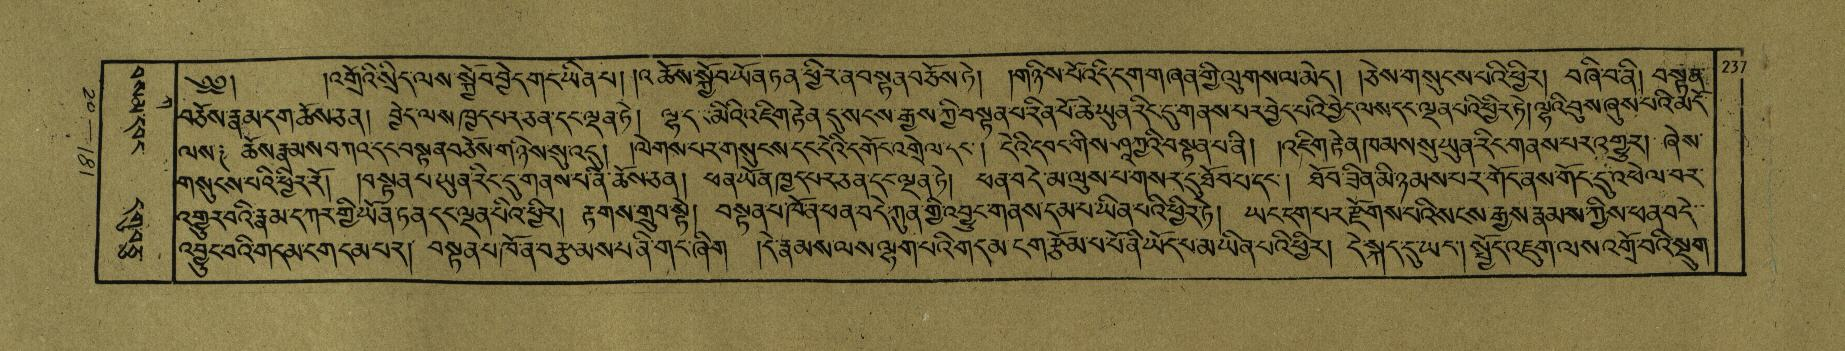༄༅། །འགྲོའི་སྲིད་ལས་སྐྱོབ་བྱེད་གང་ཡིན་པ། །འཆོས་སྐྱོབ་ཡོན་ཏན་ཕྱིར་ན་བསྟན་བཅོས་ཏེ། །གཉིས་པོ་འདི་དག་གཞན་གྱི་ལུགས་ལ་མེད། །ཅེས་གསུངས་པའི་ཕྱིར། བཞི་བ་ནི། བསྟན་
བཅོས་རྣམ་དག་ཆོས་ཅན། བྱེད་ལས་ཁྱད་པར་ཅན་དང་ལྡན་ཏེ། ལྷ་དང་མིའི་འཇིག་རྟེན་དུ་སངས་རྒྱས་ཀྱི་བསྟན་པ་རིན་པོ་ཆེ་ཡུན་རིང་དུ་གནས་པར་བྱེད་པའི་བྱེད་ལས་དང་ལྡན་པའི་ཕྱིར་ཏེ། ལྷའི་བུས་ཞུས་པའི་མདོ་
ལས༑ ཆོས་རྣམས་བཀའ་དང་བསྟན་བཅོས་གཉིས་སུ་འདུ། །ལེགས་པར་གསུངས་དང་དེའི་དགོང་འགྲེལ་དང་། དེའི་དབང་གིས་ཤཱཀྱའི་བསྟན་པ་ནི། །འཇིག་རྟེན་ཁམས་སུ་ཡུན་རིང་གནས་པར་འགྱུར། ཞེས་
གསུངས་པའི་ཕྱིར་རོ། །བསྟན་པ་ཡུན་རིང་དུ་གནས་པ་ནི་ཆོས་ཅན། ཕན་ཡོན་ཁྱད་པར་ཅན་དང་ལྡན་ཏེ། ཕན་བདེ་མ་ལུས་པ་གསར་དུ་ཐོབ་པ་དང་། ཐོབ་ཟིན་མི་ཉམས་པར་གོང་ནས་གོང་དུ་འཕེལ་བར་
འགྱུར་བའི་རྣམ་དཀར་གྱི་ཡོན་ཏན་དང་ལྡན་པའི་ཕྱིར། རྟགས་གྲུབ་སྟེ། བསྟན་པ་ཁོ་ན་ཕན་བདེ་ཀུན་གྱི་འབྱུང་གནས་དམ་པ་ཡིན་པའི་ཕྱིར་ཏེ། ཡང་དག་པར་རྫོགས་པའི་སངས་རྒྱས་རྣམས་ཀྱིས་ཕན་བདེ་
འབྱུང་བའི་གདམ་ངག་དམ་པར། བསྟན་པ་ཁོ་ན་བརྩམས་པ་ནི་གང་ཞིག །དེ་རྣམས་ལས་ལྷག་པའི་གདམ་ངག་རྩོམ་པ་པོ་ནི་ཡོད་པ་མ་ཡིན་པའི་ཕྱིར། དེ་སྐད་དུ་ཡང་། སྤྱོད་འཇུག་ལས་འགྲོ་བའི་སྡུག་